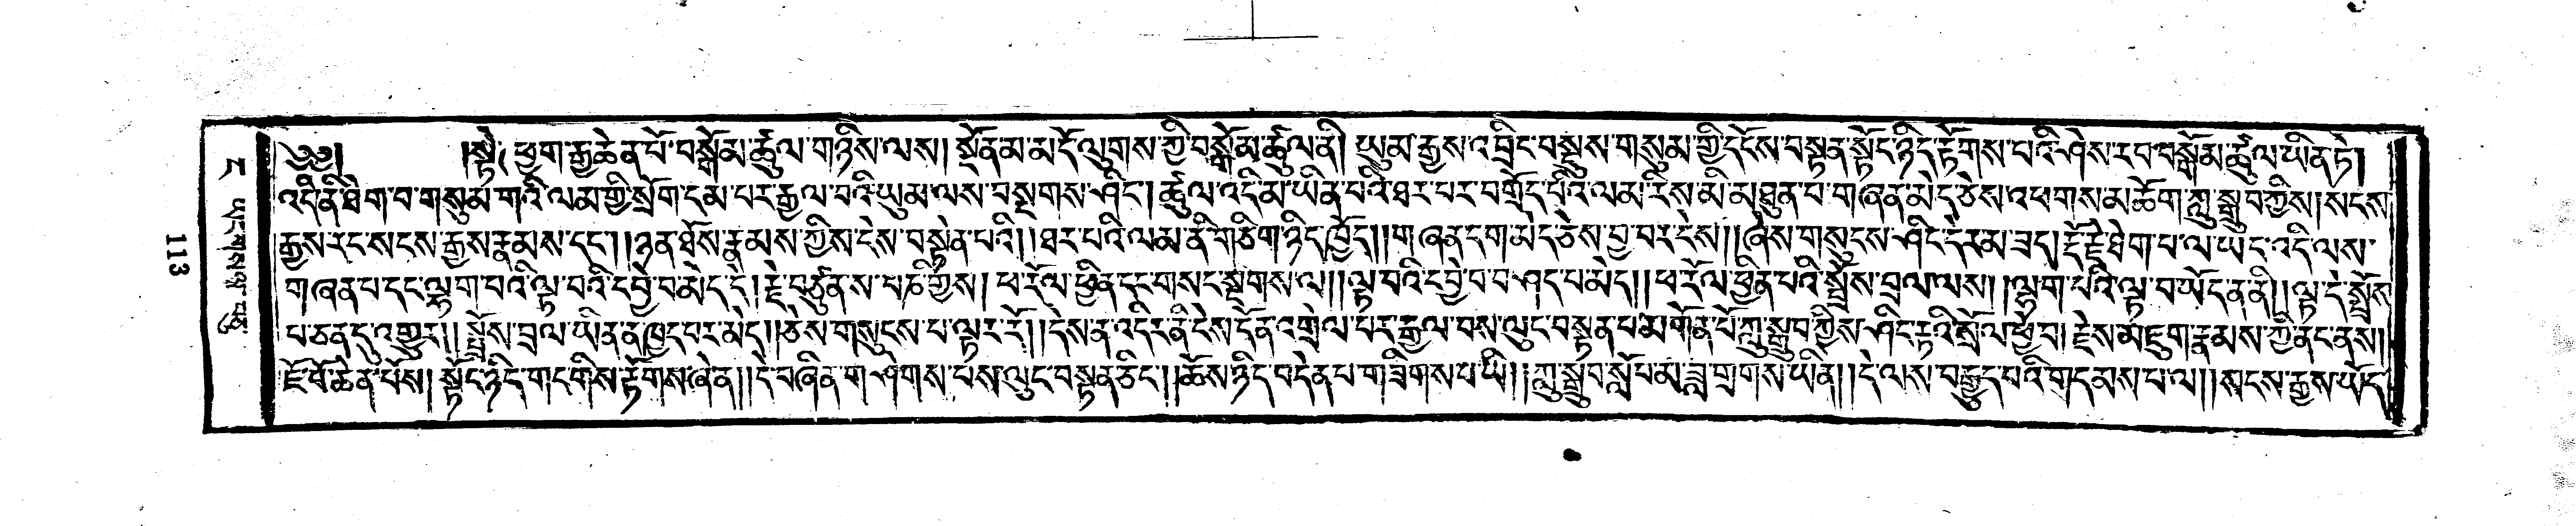༄༅། །སྟེ། ཕྱག་རྒྱ་ཆེན་པོ་བསྒོམ་ཚུལ་གཉིས་ལས། སྔོན་མ་མདོ་ལུགས་ཀྱི་བསྒོམ་ཚུལ་ནི། ཡུམ་རྒྱས་འབྲིང་བསྡུས་གསུམ་གྱི་དངོས་བསྟན་སྟོང་ཉིད་རྟོགས་པའི་ཤེས་རབ་བསྒོམ་ཚུལ་ཡིན་ཏེ།
འདི་ནི་ཐེག་པ་གསུམ་གའི་ལམ་གྱི་སྲོག་དམ་པར་རྒྱལ་བའི་ཡུམ་ལས་བསྔགས་ཤིང་། ཚུལ་འདི་མ་ཡིན་པའི་ཐར་པར་བགྲོད་པའི་ལམ་རིས་མི་མཐུན་པ་གཞན་མེད་ཅེས་འཕགས་མཆོག་ཀླུ་སྒྲུབ་ཀྱིས། སངས་
རྒྱས་རང་སངས་རྒྱས་རྣམས་དང་། །ཉན་ཐོས་རྣམས་ཀྱིས་ངེས་བསྟེན་པའི། །ཐར་པའི་ལམ་ནི་གཅིག་ཉིད་ཁྱོད། །གཞན་དག་མེད་ཅེས་བྱ་བར་ངེས། །ཞེས་གསུངས་ཤིང་དེར་མ་ཟད། རྡོ་རྗེ་ཐེག་པ་ལ་ཡང་འདི་ལས་
གཞན་པ་དང་ལྷག་པའི་ལྟ་བའི་དབྱེ་བ་མེད་དེ། རྗེ་བཙུན་ས་པཎ་གྱིས། ཕ་རོལ་ཕྱིན་དང་གསང་སྔགས་ལ། །ལྟ་བའི་དབྱེ་བ་བཤད་པ་མེད། །ཕ་རོལ་ཕྱིན་པའི་སྤྲོས་བྲལ་ལས། །ལྷག་པའི་ལྟ་བ་ཡོད་ན་ནི། །ལྷ་དེ་སྤྲོས་
པ་ཅན་དུ་འགྱུར། །སྤྲོས་བྲལ་ཡིན་ན་ཁྱད་པར་མེད། །ཅེས་གསུངས་པ་ལྟར་རོ། །དེས་ན་འདིར་ནི་ངེས་དོན་འགྲེལ་པར་རྒྱལ་བས་ལུང་བསྟན་པ་མགོན་པོ་ཀླུ་སྒྲུབ་ཀྱིས་ཤིང་རྟའི་སྲོལ་ཕྱེ་བ། རྗེས་མཇུག་རྣམས་ཀྱི་ནང་ནས།
ཇོ་བོ་ཆེན་པོས། སྟོང་ཉིད་གང་གིས་རྟོགས་ཞེ་ན། །དེ་བཞིན་གཤེགས་པས་ལུང་བསྟན་ཅིང་། །ཆོས་ཉིད་བདེན་པ་གཟིགས་པ་ཡི། །ཀླུ་སྒྲུབ་སློབ་མ་ཟླ་གྲགས་ཡིན། །དེ་ལས་བརྒྱུད་པའི་གདམས་པ་ལ། །སངས་རྒྱས་ཡོད་